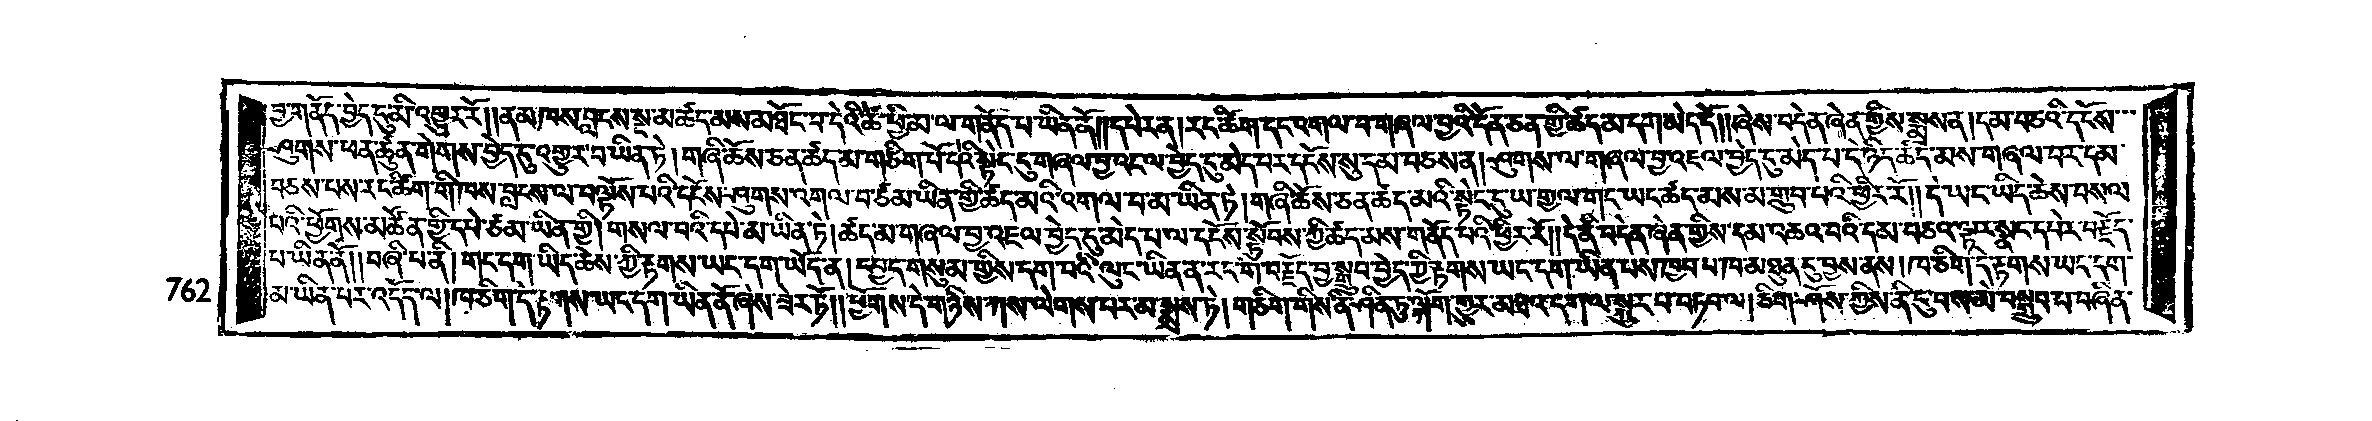བྱ་གནོད་བྱེད་དུ་མི་འགྱུར་རོ། །ནམ་ཁས་བླངས་སྔ་མ་ཚད་མས་མཐོང་བ་དེའི་ཚེ་ཕྱི་མ་ལ་གནོད་པ་ཡིན་ནོ། །དཔེར་ན། རང་ཚིག་དང་འགལ་བ་གཞལ་བྱའི་དོན་ཅན་གྱི་ཚད་མ་དག་མེད་དོ། །ཞེས་བདེན་ཞེན་གྱིས་སྨྲས་ན། དམ་བཅའི་དངོས་
ཤུགས་ཕན་ཚུན་གེགས་བྱེད་དུ་འགྱུར་བ་ཡིན་ཏེ། གཞི་ཆོས་ཅན་ཚད་མ་གཅིག་པོ་དེའི་སྟེང་དུ་གཞལ་བྱ་འཇལ་བྱེད་དུ་མེད་པར་དངོས་སུ་དམ་བཅས་ན། ཤུགས་ལ་གཞལ་བྱ་འཇལ་བྱེད་དུ་མེད་པ་དེ་ཉིད་ཚད་མས་གཞལ་བར་དམ་
བཅས་པས་རང་ཚིག་གི་ཁས་བླངས་ལ་བལྟོས་པའི་དངོས་ཤུགས་འགལ་བ་ཙམ་ཡིན་གྱི་ཚད་མའི་འགལ་བ་མ་ཡིན་ཏེ། གཞི་ཆོས་ཅན་ཚད་མའི་སྟེང་དུ་ཡ་གྱལ་གང་ཡང་ཚད་མས་མ་གྲུབ་པའི་ཕྱིར་རོ། །དེ་ཡང་ཡིད་ཆེས་བསལ་
བའི་ཕྱོགས་མཚོན་གྱི་དཔེ་ཙམ་ཡིན་གྱི། གསལ་བའི་དཔེ་མ་ཡིན་ཏེ། ཚད་མ་གཞལ་བྱ་འཇལ་བྱེད་དུ་མེད་པ་ལ་དངོས་སྟོབས་ཀྱི་ཚད་མས་གནོད་པའི་ཕྱིར་རོ། །དེ་ནི་བདེན་ཞེན་གྱིས་དམ་འཆའ་བའི་དམ་བཅའ་ལྟར་སྣང་དཔེར་བརྗོད་
པ་ཡིན་ནོ། །བཞི་པ་ནི། གང་དག་ཡིད་ཆེས་ཀྱི་རྟགས་ཡང་དག་ཡོད་ན། དཔྱད་གསུམ་གྱི་དག་པའི་ལུང་ཡིན་ན་རང་གི་བརྗོད་བྱ་སྒྲུབ་བྱེད་ཀྱི་རྟགས་ཡང་དག་ཡིན་པས་ཁྱབ་པ་ཁ་མཐུན་དུ་བྱས་ནས། ཁ་ཅིག་དེ་རྟགས་ཡང་དག་
མ་ཡིན་པར་འདོད་ལ། ཁ་ཅིག་དེ་རྟགས་ཡང་དག་ཡིན་ནོ་ཞེས་ཟེར་ཏོ། །ཕྱོགས་དེ་གཉིས་ཀས་ལེགས་པར་མ་སྨྲས་ཏེ། གཅིག་གིས་ནི་ཤིན་ཏུ་ལྐོག་གྱུར་མཐའ་དག་ལ་སྐུར་བ་བཏབ་ལ། ཅིག་ཤོས་ཀྱིས་ནི་དུ་བས་མེ་བསྒྲུབ་པ་བཞིན་